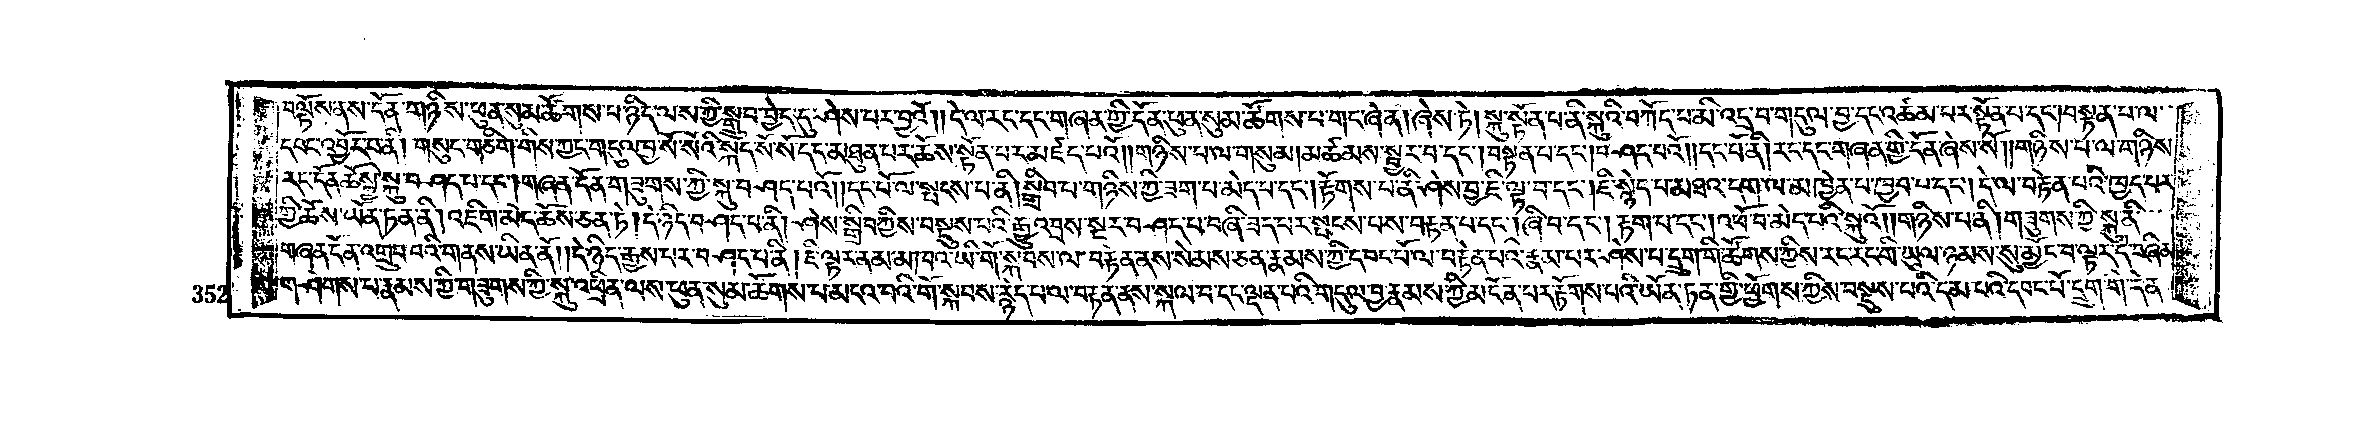བལྟོས་ནས་གཉིས་ཕུན་སུམ་ཚོགས་པ་ཉིད་ལས་ཀྱི་སྒྲུབ་བྱེད་དུ་ཤེས་པར་བྱའོ། །དེ་ལ་རང་དང་གཞན་གྱི་དོན་ཕུན་སུམ་ཚོགས་པ་གང་ཞེ་ན། ཞེས་ཏེ། སྐུ་སྟོན་པ་ནི་སྐུའི་བཀོད་པ་མི་འདྲ་བ་གདུལ་བྱ་དང་འཚམ་པར་སྟོན་པ་དང་། བསྟན་པ་ལ་
དབང་འབྱོར་བ་ནི། གསུང་གཅིག་གིས་ཀྱང་གདུལ་བྱ་སོ་སོའི་སྐད་སོ་སོ་དང་མཐུན་པར་ཆོས་སྟོན་པར་མཛད་པའོ། །གཉིས་པ་ལ་གསུམ། །མཚམས་སྦྱར་བ་དང་། བསྟན་པ་དང་། བཤད་པའོ། །དང་པོ་ནི། རང་དང་གཞན་གྱི་དོན་ཞེས་སོ། །གཉིས་པ་ལ་གཉིས་
རང་དོན་ཆོ་སྐྱེ་སྐུ་བཤད་པ་དང་། གཞན་དོན་གཟུགས་ཀྱི་སྐུ་བཤད་པའོ། །དང་པོ་ལ་སྤངས་པ་ནི། སྒྲིབ་པ་གཉིས་ཀྱི་ཟག་པ་མེད་པ་དང་། རྟོགས་པ་ནི་ཤེས་བྱ་ཇི་ལྟ་བ་དང་། ཇི་སྙེད་པ་མཐའ་དག་ལ་མཁྱེན་པ་ཁྱབ་པ་དང་། དེ་ལ་བརྟེན་པའི་ཁྱད་པར་
གྱི་ཆོས་ཡོན་ཏན་ནི། འཇིག་མེད་ཆོས་ཅན་ཏེ། དེ་ཉིད་བཤད་པ་ནི། ཤེས་སྒྲིབ་ཀྱིས་བསྡུས་པའི་རྒྱུ་འབྲས་སྔར་བཤད་པ་བཞི་ཟད་པར་སྤངས་པས་བརྟན་པ་དང་། ཞི་བ་དང་། རྟག་པ་དང་། འཕོ་བ་མེད་པའི་སྐུའོ། །གཉིས་པ་ནི། གཟུགས་ཀྱི་སྐུ་ནི་
གཞན་དོན་འགྲུབ་པའི་གནས་ཡིན་ནོ། །དེ་ཉིད་རྒྱས་པར་བཤད་པ་ནི། ཇི་ལྟར་ནམ་མཁའ་ཡི་གེ་སྐབས་ལ་བརྟེན་ནས་སེམས་ཅན་རྣམས་ཀྱི་དབང་པོ་ལ་བརྟེན་པའི་རྣམ་པར་ཤེས་པ་དྲུག་གི་ཚོགས་ཀྱིས་རང་རང་གི་ཡུལ་ཉམས་སུ་མྱོང་བ་ལྟར་དེ་བཞིན་
གཤེགས་པ་རྣམས་ཀྱི་གཟུགས་ཀྱི་སྐུ་འཕྲིན་ལས་ཕུན་སུམ་ཚོགས་པའི་གོ་སྐབས་རྙེད་པ་ལ་བརྟན་ནས་སྐལ་པ་དང་ལྡན་པའི་གདུལ་བྱ་རྣམས་ཀྱི་མངོན་པར་རྟོགས་པའི་ཡོན་ཏན་གྱི་ཕྱོགས་ཀྱིས་བསྡུས་པའི་དམ་པའི་དབང་པོ་དྲུག་གི་དེན་